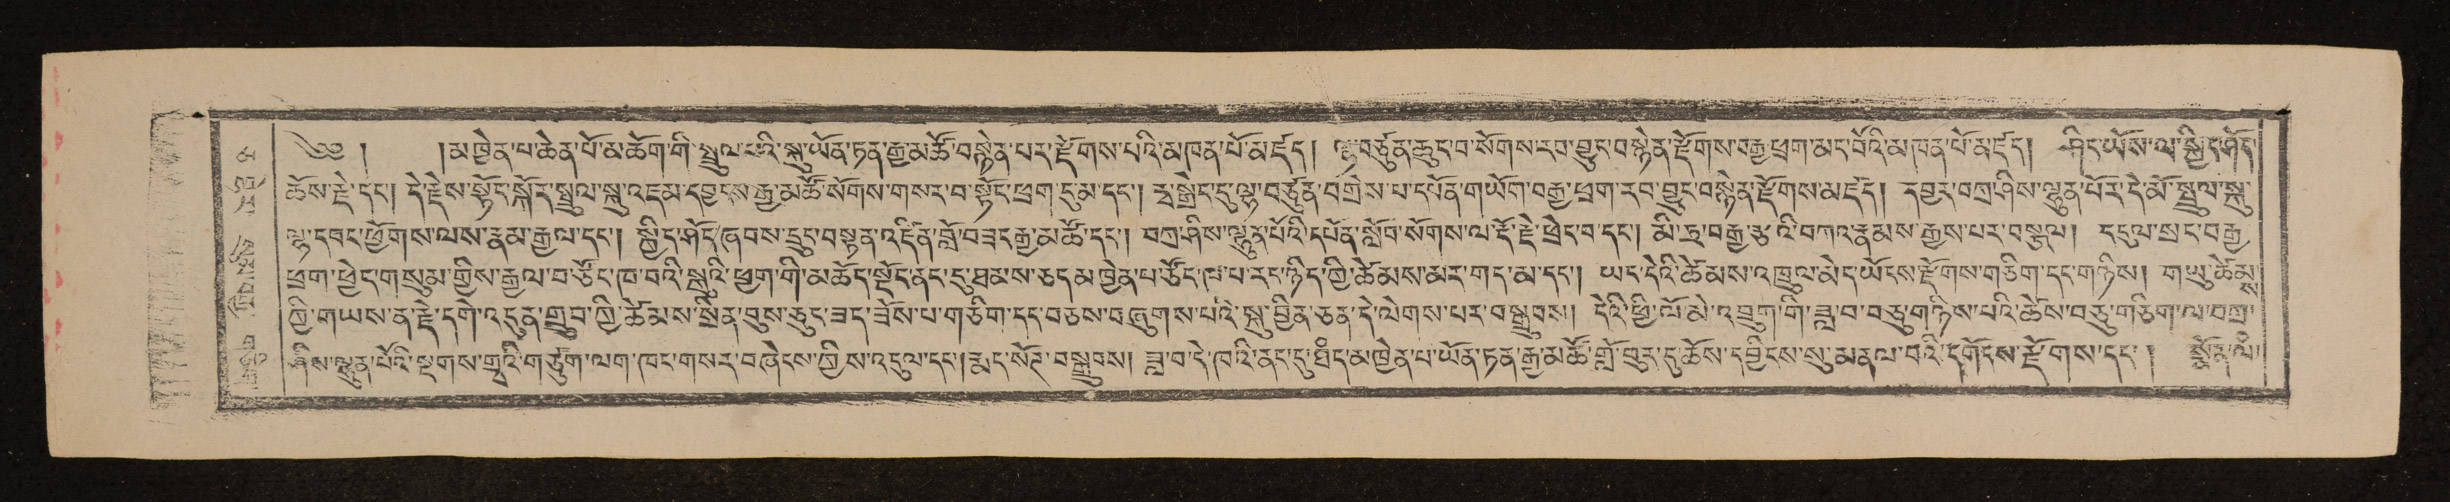༄༅། །མཁྱེན་པ་ཆེན་པོ་མཆོག་གི་སྤྲུལ་པའི་སྐུ་ཡོན་ཏན་རྒྱ་མཚོ་བསྙེན་པར་རྫོགས་པའི་མཁན་པོ་མཛད། ལྷ་བཙུན་ཆུང་བ་སོགས་རབ་བྱུང་བསྙེན་རྫོགས་བརྒྱ་ཕྲག་མང་པོའི་མཁན་པོ་མཛད། ཤིང་ཡོས་ལ་སྐྱིད་
ཤོད་ཆོས་རྗེ་དང་། དེ་རྗེས་སྟོང་སྐོར་སྤྲུལ་སྐུ་འཇམ་དབྱངས་རྒྱ་མཚོ་སོགས་གསར་བ་སྟོང་ཕྲག་དུ་མ་དང་། རྭ་སྒྲེང་དུ་ལྷ་བཙུན་བགྲེས་པ་དཔོན་གཡོག་བརྒྱ་ཕྲག་རབ་བྱུང་བསྙེན་རྫོགས་མཛད། དབྱར་བཀྲ་ཤིས་ལྷུན་པོར་དེ་མོ་སྤྲུལ་
སྐུ་ལྷ་དབང་ཕྱོགས་ལས་རྣམ་རྒྱལ་དང་། སྐྱིད་ཤོང་ཞབས་དྲུང་བསྟན་འཛིན་བློ་བཟང་རྒྱ་མཚོ་དང་། བཀྲ་ཤིས་ལྷུན་པོའི་དཔོན་སློབ་སོགས་ལ་རྡོ་རྗེ་ཕྲེང་བ་དང་། མི་ཏྲ་བརྒྱ་རྩའི་བཀའ་རྣམས་རྒྱས་པར་བསྩལ། དངུལ་སྲང་
བརྒྱ་ཕྲག་ཕྱེད་གསུམ་གྱིས་རྒྱལ་བ་ཙོང་ཁ་བའི་སྐུའི་ཕྱག་གི་མཆོད་སྡོང་ནང་དུ་ཐམས་ཅད་མཁྱེན་པ་ཙོང་ཁ་པ་རང་ཉིད་ཀྱི་ཚེམས་མར་གད་མ་དང་། ཡང་དེའི་ཚེམས་འཁྲུལ་མེད་ཡོངས་རྫོགས་གཅིག་དང་གཉིས། གཡུ་
ཚེམས་ཀྱི་གཡས་ན་རྗེ་དགེ་འདུན་གྲུབ་ཀྱི་ཚེམས་སྲིན་བུས་ཅུང་ཟད་ཟོས་པ་གཅིག་དང་བཅས་བཞུགས་པའི་སྐུ་བྱིན་ཅན་དེ་ལེགས་པར་བསྒྲུབས། དེའི་ཕྱི་ལོ་མེ་འབྲུག་གི་ཟླ་བ་བཅུ་གཉིས་པའི་ཚེས་བཅུ་གཅིག་ལ་བཀྲ་ཤིས་
ལྷུན་པོའི་སྔགས་གྲྭའི་གཙུག་ལག་ཁང་གསར་བཞེངས་ཀྱི་ས་འདུལ་དང་། རྨང་སོགས་བསྒྲུབས། ཟླ་བ་དེ་ཁའི་ནང་དུ་ཐམས་ཅད་མཁྱེན་པ་ཡོན་ཏན་རྒྱ་མཚོ་གློ་བུར་དུ་ཆོས་དབྱིངས་སུ་མནལ་བའི་དགོངས་རྫོགས་དང་།